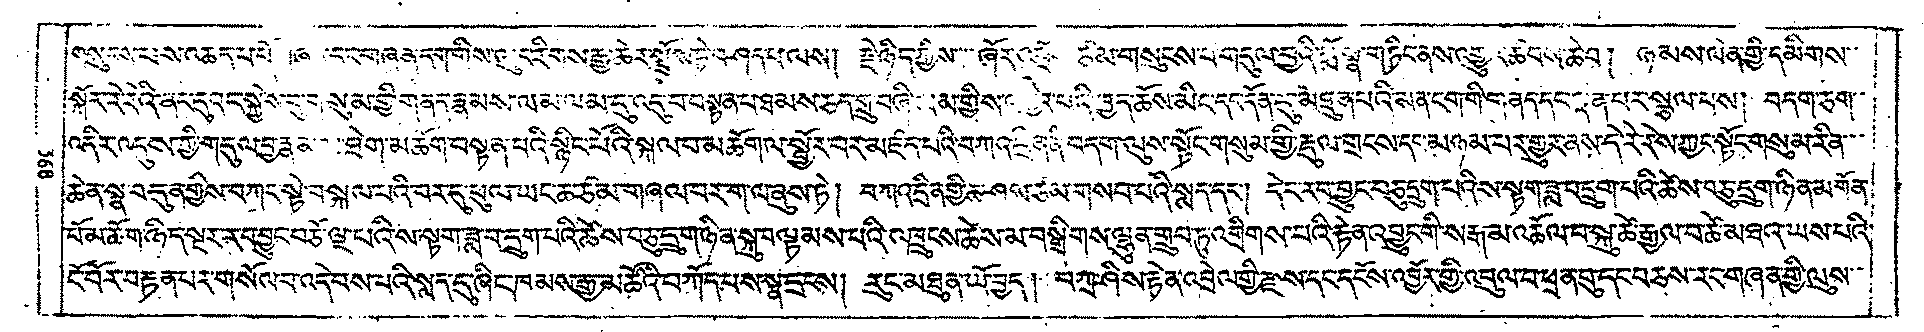གསུངས་པས་འཆད་པ་པོ་གཞན་དང་གཞན་དག་གིས་ལུང་རིགས་རྒྱ་ཆེར་སྤྲོས་ཏེ་བཤད་པ་ལས། རྗེ་ཉིད་ཀྱིས་ཞོར་འཕྲོས་ཙམ་གསུངས་པ་གདུལ་བྱའི་བློ་སྣ་གཏིང་ནས་འགྱུར་ཚབས་ཆེ་བ། ཉམས་ལེན་གྱི་དམིགས་
སྐོར་རེ་རེའི་ནང་དུའང་སྐྱེས་བུ་གསུམ་གྱི་གནད་རྣམས་ལམ་ལམ་དུ་འདུ་བ་བསྟན་པ་ཐམས་ཅད་གྲུ་བཞི་ལམ་གྱིས་འཁྱེར་བའི་ཁྱད་ཆོས་མིང་དང་དོན་དུ་མཐུན་པའི་མན་ངག་གི་གནད་དང་ལྡན་པར་སྩལ་པས། བདག་ཅག་
འདིར་འདུས་ཀྱི་གདུལ་བྱ་རྣམས་ཐེག་མཆོག་བསྟན་པའི་སྙིང་པོའི་སྐལ་བ་མཆོག་ལ་སྦྱོར་བར་མཛད་པའི་བཀའ་དྲིན་ནི་བདག་ལུས་སྟོང་གསུམ་གྱི་རྡུལ་གྲངས་དང་མཉམ་པར་གྱུར་ནས་དེ་རེ་རེས་ཀྱང་སྟོང་གསུམ་རིན་
ཆེན་སྣ་བདུན་གྱིས་བཀང་སྟེ་བསྐལ་པའི་བར་དུ་ཕུལ་ཡང་ཆ་ཙམ་གཞལ་བར་ག་ལ་ནུས་ཏེ། བཀའ་དྲིན་གྱི་ཆ་ཤས་ཙམ་གསབ་པའི་སླད་དང་། དེང་རབ་བྱུང་བཅུ་དྲུག་པའི་ས་སྟག་ཟླ་བ་དྲུག་པའི་ཚེས་བཅུ་དྲུག་ཉིན་མགོན་
པོ་མཆོ་ག་ཉིད་སྔར་རབ་བྱུང་བཅོ་ལྔ་པའི་ས་སྟག་ཟླ་བ་དྲུག་པའི་ཚེས་བཅུ་དྲུག་ཉིན་སྐུ་བལྟམས་པའི་འཁྲུངས་ཚེས་མ་བསྒྲིགས་ལྷུན་གྲུབ་ཏུ་འགྲིགས་པའི་རྟེན་འབྱུང་གི་སརྒ་མ་འཆོལ་བ་སྐུ་ཚེ་རྒྱལ་བ་ཚེ་མཐའ་ཡས་པའི་
ངོ་བོར་བརྟན་པར་གསོལ་བ་འདེབས་པའི་སླད་དུ་ཞིང་ཁམས་རྒྱ་མཚོའི་བཀོད་པས་སྣ་དྲངས། རུང་མཐུན་ཡོ་བྱད། བཀྲ་ཤིས་རྟེན་འབྲེལ་གྱི་རྫས་དང་དངོས་འབྱོར་གྱི་འབུལ་བ་ཕྲན་བུ་དང་བཅས་རང་གཞན་གྱི་ལུས་